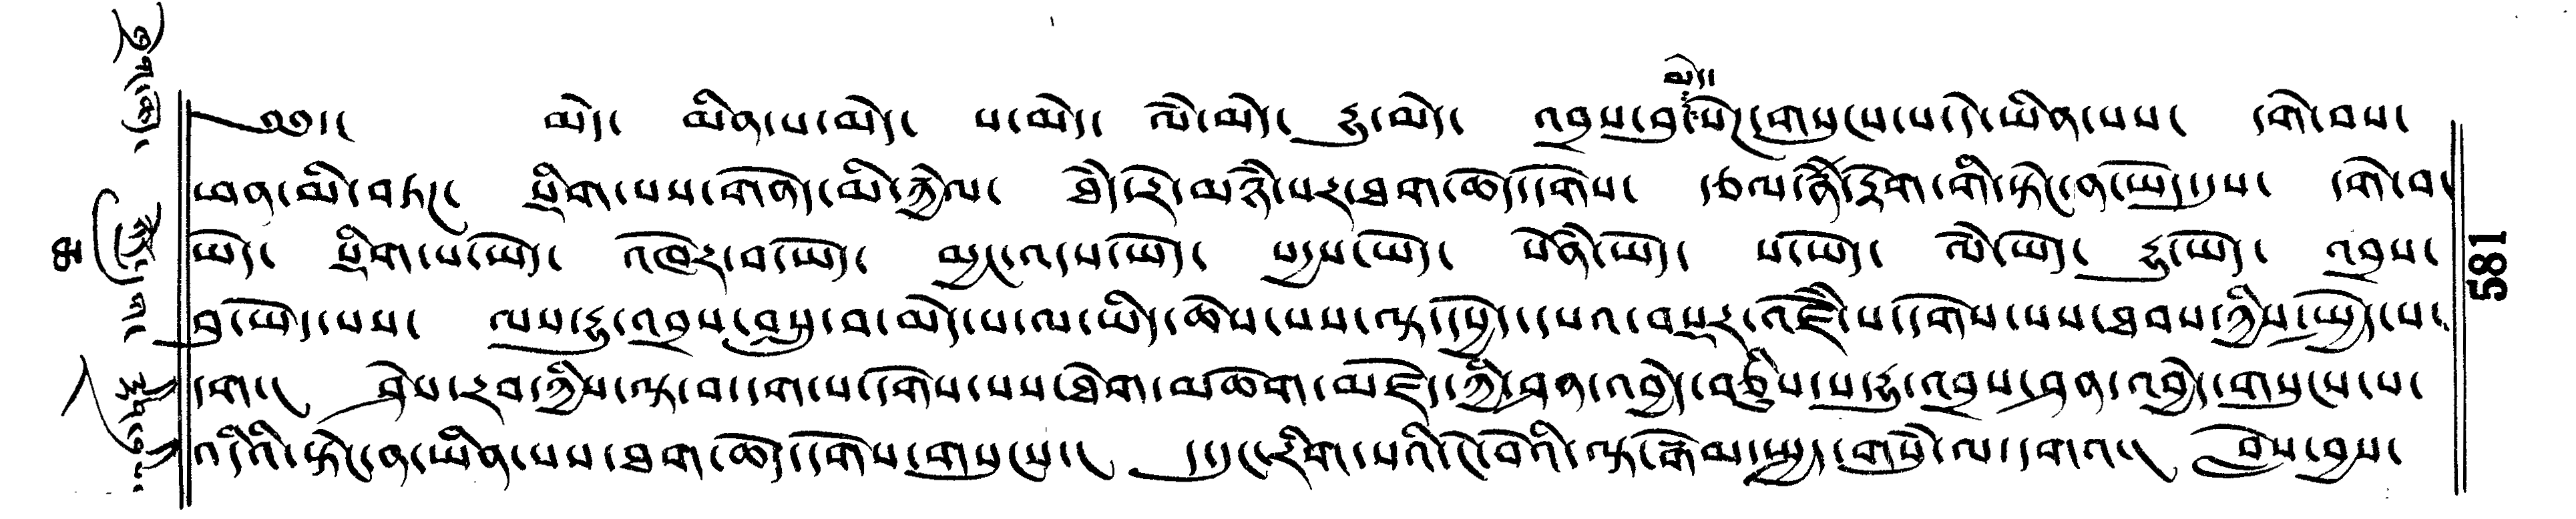མེད། མིན་པ་མེད། ས་མེད། ལམ་མེད། རྒྱུ་མེད། འབྲས་བུ་མེད་སོགས་གསུངས་པ་དེ་ཡིན་པས། དགེ་བས་
ཕན་མི་བཏགས། སྡིག་པས་གནོད་མི་སྐྱེལ། ཐམས་ཅད་རོ་མཉམ་པར་ཐག་ཆོད་དགོས། རྩལ་རྣམ་རྟོག་གི་སྟེང་ན་ཡོད་དུས། དགེ་བ་
ཡོད། སྡིག་པ་ཡོད། འཁོར་བ་ཡོད། མྱང་འདས་ཡོད། སངས་རྒྱས་ཡོད། སེམས་ཅན་ཡོད། ས་ཡོད། ལམ་ཡོད། རྒྱུ་ཡོད། འབྲས་
བུ་ཡོད་པས། ལས་རྒྱུ་འབྲས་བསླུ་བ་མེད་པ་ལ་ཡིད་ཆེས་པས་ལྟ་དཔྱོད་དཔའ་ ( བསྡར་ ?) ངར་འཛོམ་པ་དགོས་པས་ཐབས་ཀྱིས་སྤྱོད་པ་
དག ཤེས་རབ་ཀྱིས་ལྟ་བ་དག་པ་དགོས་པས་ཐེག་མཆོག་མཛོད་ཀྱི་ཤན་འབྱེད་བཅུ་གཉིས་པ་རྒྱུ་འབྲས་ཤན་འབྱེད་གསུངས་པ་
འདིའི་སྟེང་ན་ཡིན་པས་ཐག་ཆོད་དགོས་གསུངས། ད་དུང་རིག་པའི་ངོ་བོའི་ལྟ་སྒོམ་སྤྱོད་གསུམ་ལ་དགའ། བློས་བྱས་